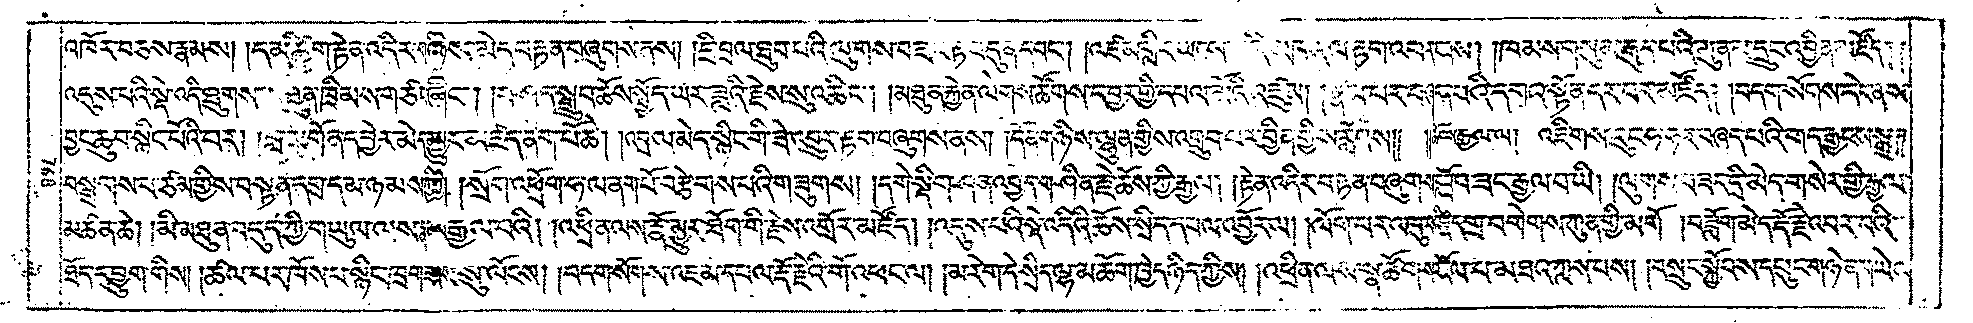འཁོར་བཅས་རྣམས། །དམ་ཚིག་རྟེན་འདིར་གཉིས་མེད་བརྟན་བཞུགས་ནས། །དྲི་བྲལ་ཐུབ་པའི་ལུགས་བཟང་རྟ་བདུན་དབང་། །འཛམ་གླིང་ཡངས་པའི་མཁའ་ལ་རྟག་འབར་བས། །ཁམས་གསུམ་རྒུད་པའི་མུན་པ་དྲུང་འབྱིན་མཛོད། །
འདུས་པའི་སྡེ་འདི་ཐུགས་མཐུན་ཁྲིམས་གཙང་ཞིང་། །བཤད་སྒྲུབ་ཆོས་སྤྱོད་ཡར་ཟླའི་རྗེས་སུ་འཆིང་། །མཐུན་རྐྱེན་ལེགས་ཚོགས་དབྱར་གྱི་དཔལ་མོའི་འཛུམ། །རྣམ་པར་བཞད་པའི་དགའ་སྟོན་དར་བར་མཛོད། །བདག་སོགས་དེང་ནས་
བྱང་ཆུབ་སྙིང་པོའི་བར། །བླ་མགོན་དབྱེར་མེད་མྱུར་མཛད་ནག་པོ་ཆེ། །འབྲལ་མེད་སྙིང་གི་ཟེ་འབྲུར་རྟག་བཞུགས་ནས། །དོན་གཉིས་ལྷུན་གྱིས་འགྲུབ་པར་བྱིན་གྱིས་རློབས།། །། ཆོས་རྒྱལ་ལ།  འཇིགས་རུང་ཧ་ཧར་བཞད་པའི་གད་རྒྱངས་སྒྲ། །
བསྒྲགས་པ་ཙམ་གྱིས་བསྟན་དགྲ་དམ་ཉམས་ཀྱི། །སྲོག་འཕྲོག་ཧ་ལ་ནག་པོ་བརྩེགས་པའི་གཟུགས། །དགེ་སྡིག་ཤན་འབྱེད་གཤིན་རྗེ་ཆོས་ཀྱི་རྒྱལ། །རྟེན་འདིར་བརྟན་བཞུགས་བློ་བཟང་རྒྱལ་བ་ཡི། །ལུགས་བཟང་དྲི་མེད་གསེར་གྱི་རྒྱལ་
མཚན་ཆེ། །མི་མཐུན་བདུད་ཀྱི་གཡུལ་ལས་རྣམ་རྒྱལ་བའི། །འཕྲིན་ལས་རྣོ་མྱུར་ཐོག་གི་རྗེས་འགྲོར་མཛོད། །འདུས་པའི་སྡེ་འདིའི་ཆོས་སྲིད་དཔལ་འབྱོར་ལ། །ལོག་པར་འཁུ་བའི་དགྲ་བགེགས་ཀུན་གྱི་མགོ །བཟློག་མེད་རྡོ་རྗེ་འབར་བའི་
ཐོད་དབྱུག་གིས། །ཚལ་པར་ཁོས་པ་སྙིང་ཁྲག་ཟས་སུ་ལོངས། །བདག་སོགས་འཇམ་དཔལ་རྡོ་རྗེའི་གོ་འཕང་ལ། །མ་རེག་དེ་སྲིད་ལྷ་མཆོག་ཁྱེད་ཉིད་ཀྱིས། །འཕྲིན་ལས་སྣ་ཚོགས་རོལ་པ་མཐའ་ཀླས་པས། །བསྲུང་སྐྱོབས་དཔུང་གཉེན་གཡེལ་